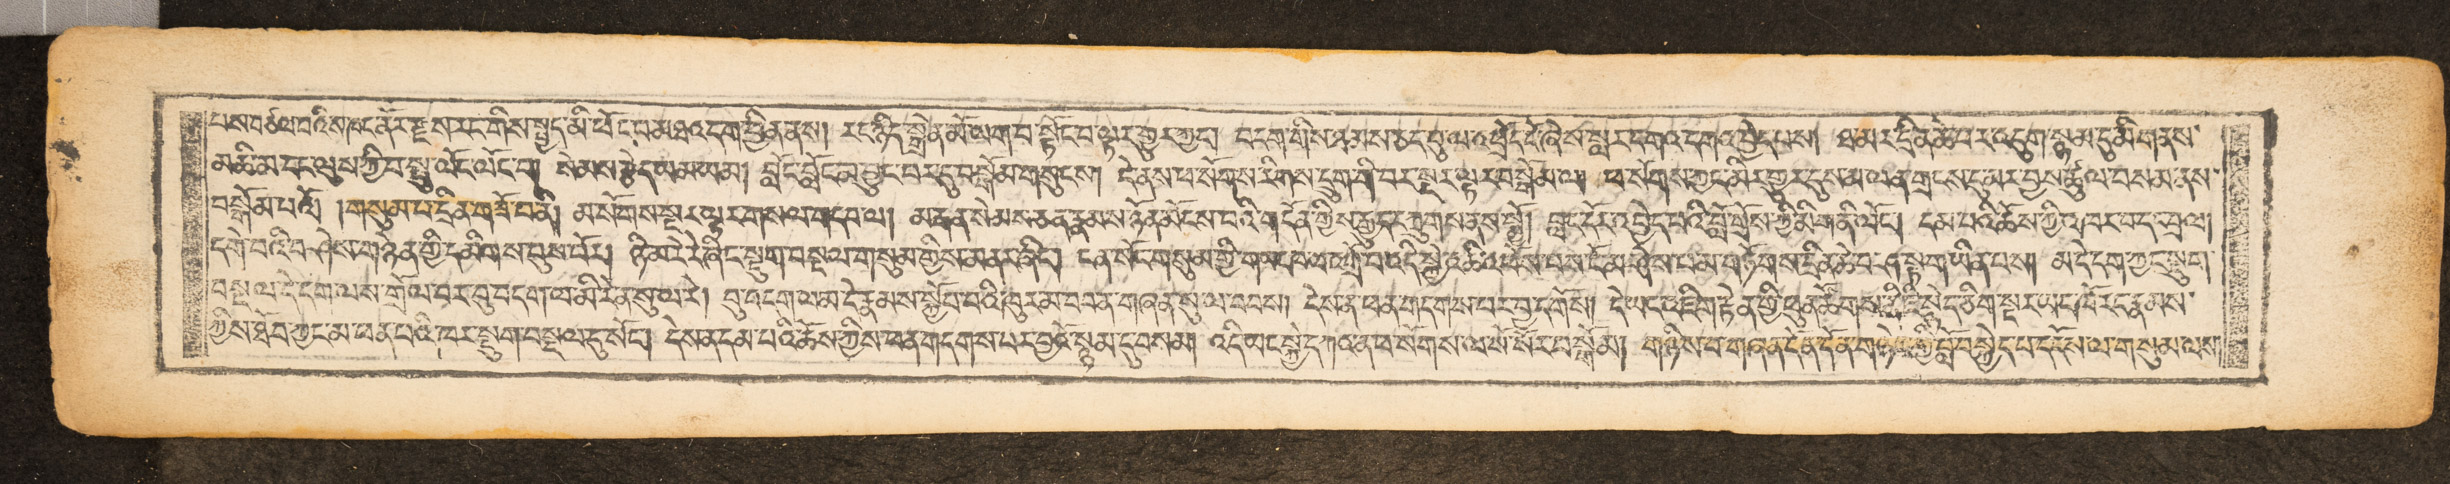པས་བཙལ་བའི་ས་ཁང་ནོར་རྫས་རང་གིས་སྤྱད་མི་ཕོང་པ་མཐའ་དག་བྱིན་ནས། རང་ཉིད་སྒྲེན་མོ་ལག་པ་སྟོང་པ་ལྟར་གྱུར་ཀྱང་། བདག་གིས་ཐམས་ཅད་བུ་ལ་འཕྲོད་དོ་ཞེས་སླར་དགའ་དགའ་བྱེད་པས། ཐ་མར་དྲིན་ཆེ་བར་འདུག་སྙམ་དུ་མི་གནས་
མཆི་མ་དང་ལུས་ཀྱི་བ་སྤུ་ལོང་ལོང་བ། སེམས་རྩེད་ཡམ་ཡམ། བློང་བློང་མ་བྱུང་བར་དུ་བསྒོམ་གསུངས། དེ་ནས་ཕ་སོགས་རིགས་དྲུག་གི་བར་སྔར་ལྟར་བསྒོམ་ལ། ཕ་སོགས་ཀྱང་མིར་གྱུར་དུས་མ་ལན་གྲངས་དུ་མར་བྱས་ཚུལ་བསམ་ནས་
བསྒོམ་པའོ། །གསུམ་པ་དྲིན་གཟོ་བ་ནི། མ་སོགས་སྔར་ལྟར་གསལ་གདབ་ལ། མརྒན་སེམས་ཅན་རྣམས་ཉོན་མོངས་པའི་གདོན་གྱིས་རྒྱུད་དཀྲུགས་ནས་སྨྱོ། བླང་དོར་འབྱེད་པའི་བློ་གྲོས་ཀྱི་མིག་ནི་ལོང་། དམ་པའི་ཆོས་ཀྱི་འཁར་བ་དང་བྲལ།
དགེ་བའི་བཤེས་གཉེན་གྱི་དམིགས་པུས་བོར། ཉེ་མ་རེ་རེ་ཞིང་སྡུག་བསྔལ་གསུམ་གྱིས་མནར་ཞིང་། ངན་སོང་གསུམ་གྱི་གཡང་ཁ་ལ་འགྲོ་བ་འདི་སྐྱེ་འཆི་འཕོས་པས་ངོ་མ་ཤེས་པ་མ་གཏོགས་དྲིན་ཆེ་བ་ཤ་སྟག་ཡིན་པས། མ་དེ་དག་ཀྱང་སྡུག་
བསྔལ་དེ་དག་ལས་གྲོལ་བར་བུ་བདག་ལ་མིར་ན་སུ་ལ་རེ། བུ་བདག་ལ་མ་དེ་རྣམས་སྐྱོབ་པའི་ཁུར་མ་བབ་ན་གཞན་སུལ་བབས། དེས་ན་ཕན་གདགས་པར་བྱ་དགོས། དེ་ཡང་འཇིག་རྟེན་གྱི་ཕུན་ཚོགས་ནི་ཇི་སྙེད་ཅིག་སྔར་ཡང་ཁོ་རང་རྣམས་
ཀྱིས་ཐོབ་ཀྱང་མ་ཕན་པའི་ཁར་སྡུག་བསྔལ་དུ་སོང་། དེས་ན་དམ་པའི་ཆོས་ཀྱིས་ཕན་གདགས་པར་བྱའོ་སྙམ་དུ་བསམ། འདི་ཡང་སྐྱེ་དཀའ་ན་ཕ་སོགས་ལ་སོ་སོར་བསྒོམ། གཉིས་པ་གཞན་དོན་དོན་གཉེར་གྱི་བློ་བསྐྱེད་པ་དངོས་ལ་གསུམ་ལས་